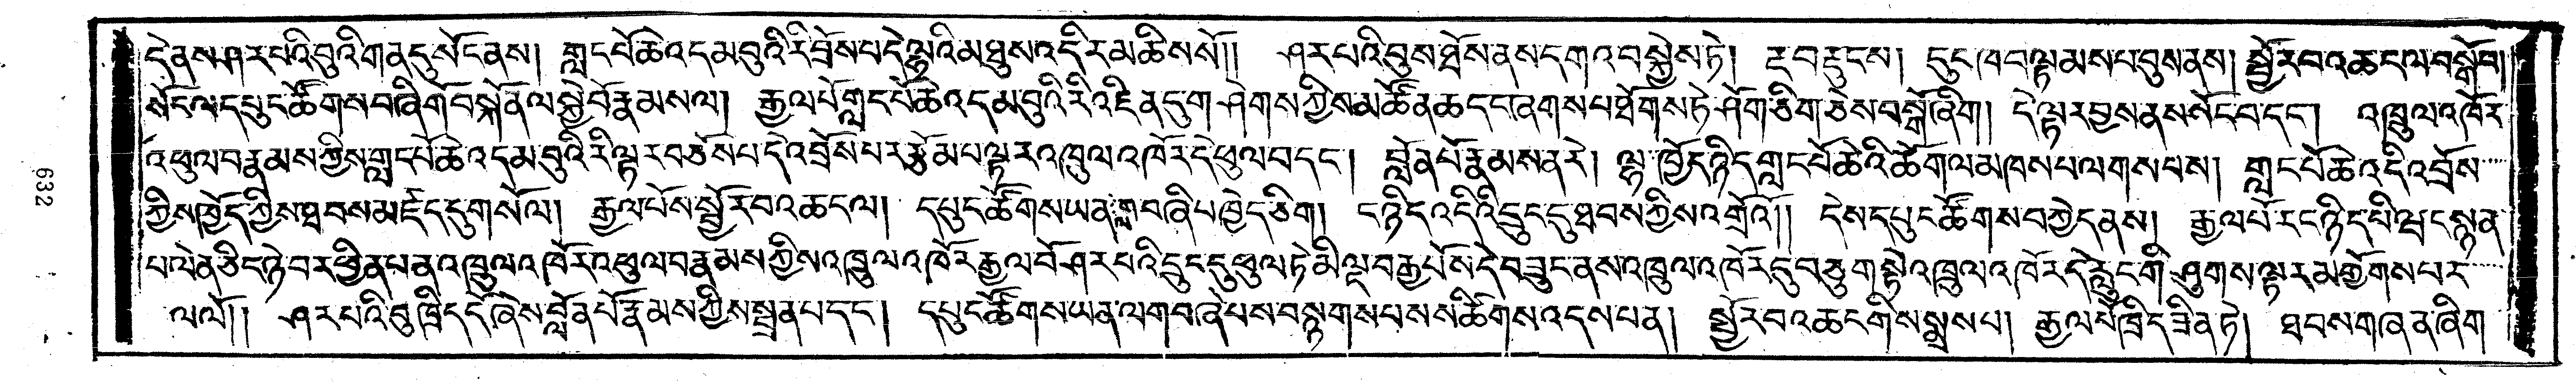དེ་ནས་ཤར་པའི་བུའི་གན་དུ་སོང་ནས། གླང་པོ་ཆེ་འདམ་བུའི་རི་བྲོས་པ་དེ་ལྷའི་མཐུས་འདིར་མཆིས་སོ།། ཤར་པའི་བུས་ཐོས་ནས་དགའ་བསྐྱེས་ཏེ། རྔ་བརྡུངས། དུང་ཁ་བལྟམས་པ་བུས་ནས། སྦྱོར་བ་འཆང་ལ་བསྒོབ།
སོང་ལ་དཔུང་ཚོགས་བཞི་གོ་བསྐོན་ལ་སྐྱེ་བོ་རྣམས་ལ། རྒྱལ་པོ་གླང་པོ་ཆེ་འདམ་བུའི་རི་འཛིན་དུ་གཤེགས་ཀྱིས་མཚོན་ཆ་དང་ཞགས་པ་ཐོགས་ཏེ་ཤོག་ཅིག་ཅེས་བསྒོ་ཞིག། དེ་ལྟར་བྱས་ནས་སོང་བ་དང་། འཁྲུལ་འཁོར་
འཕུལ་བ་རྣམས་ཀྱིས་གླང་པོ་ཆེ་འདམ་བུའི་རི་ལྟར་བཅོས་པ་དེ་འབྲོས་པར་རྩོམ་པ་ལྟར་འཁུལ་འཁོར་དེ་ཕུལ་བ་དང་། བློན་པོ་རྣམས་ན་རེ། ལྷ་ཁྱོད་ཉིད་གླང་པོ་ཆེའི་ཆོག་ལ་མཁས་པ་ལགས་པས། གླང་པོ་ཆེ་འདི་འབྲོས་
ཀྱིས་ཁྱོད་ཀྱིས་ཐབས་མཛད་དུ་གསོལ། རྒྱལ་པོས་སྦྱོར་བ་འཆང་ལ། དཔུང་ཚོགས་ཡན་ལག་བཞི་པ་ཁྱེད་ཅིག། ད་ཉིད་འདིའི་དྲུང་དུ་ཐབས་ཀྱིས་འགྲོའོ།། དེས་དཔུང་ཚོགས་བཀྱེད་ནས། རྒྱལ་པོ་རང་ཉིད་པི་ཝང་སྙན་
པ་ལེན་ཅིང་ཉེ་བར་ཕྱིན་པ་ན་འཁྲུལ་འཁོར་འཕུལ་བ་རྣམས་ཀྱིས་འཁྲུལ་འཁོར་རྒྱལ་པོ་ཤར་བའི་དྲུང་དུ་ཕུལ་ཏེ་མི་ལྔ་བརྒྱ་པོས་དེ་བཟུང་ནས་འཁྲུལ་འཁོར་དུ་བཅུག་སྟེ་འཁྲུལ་འཁོར་དེ་རླུང་གི་ཤུགས་ལྟར་མགྱོགས་པར་
ལ་ལོ། །ཤར་པའི་བུ་ཁྲིད་དོ་ཟེས་བློན་པོ་རྣམས་ཀྱིས་སྦྲན་པ་དང་། དཔུང་ཚོགས་ཡན་ལག་བཞེ་པས་བསྙགས་པས་ས་ཚིགས་འདས་པ་ན། སྦྱོར་བ་འཆང་གིས་སྨྲས་པ། རྒྱལ་པོ་ཁྲིད་ཟིན་ཏེ། ཐབས་གཞན་ཞིག་